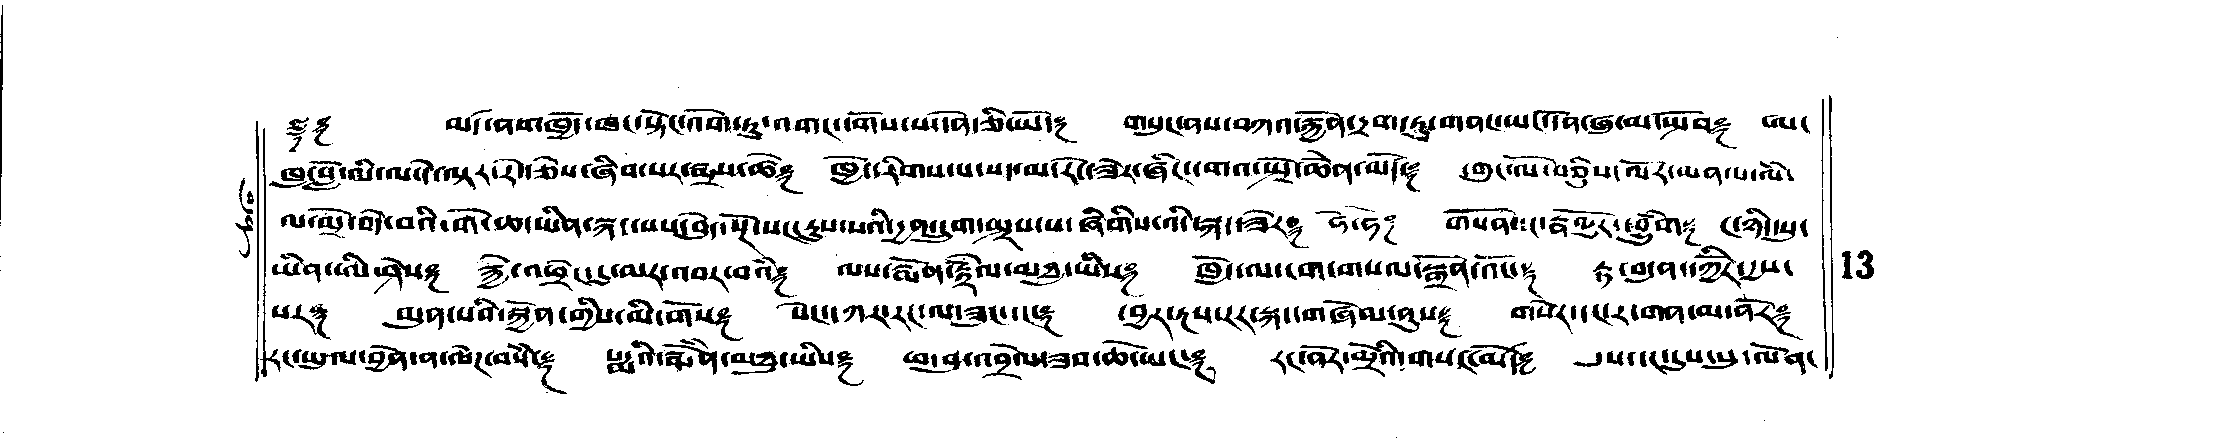མཛད་ནས་ཁྱོད་ཁང་སྟེང་འོག་ཏུ་འགང་དགོས་པ་དོན་ཅི་ཡོད། གསུངས་ནས་བཀའ་བཀྱོན་དྲག་ཏུ་གནང་ཡང་དོན་ཞུ་མ་སྤོབས། ཨ་
ཁུ་བློ་ལི་ལ་དེ་ལྟར་རེད་ཅེས་ཞིབ་པར་སྨྲས་ཚེ། ཁྱོད་རིགས་པ་པད་མ་རོང་ཟེར་ཞིང་དགའ་སྤྲོ་ཆེན་པོ་མཛོད། དགུང་ལོ་བཅུ་གཉིས་ལོར་མནལ་ལམ་
ལ་མཁའ་འགྲོ་བདེ་བའི་གོ་ཆ་ཡིན་སྐད་པས་བུད་མེད་སྔོ་སང་རུས་པའི་རྒྱན་དྲུག་སྤྲས་པ་ཞིག་གིས་འདི་སྐད་ཟེར། ཧོ་ཧོ། གསོན་དང་རྣལ་འབྱོར་དབང་ཕྱུག་མ། །ང་ཉིད་སུ་
ཡིན་ཨི་ཤེས། །སྐྱེ་འཕྲེང་དུ་མར་འབར་བའི། །ལས་སྨོན་རྟེན་འབྲེལ་མཐུ་ཡིས། ཁྱོད་ལ་ངག་གསལ་སྒྲོན་འོང་། །རྟ་བདུན་དཀྱིལ་འཁོར་རྒྱས་
པར། །མུན་པའི་སྐྱོན་གྱིས་མི་གོས། །སེང་དཀར་རང་ལ་ཟུང་དང་། །དབྱར་རྔས་ངར་སྐད་གཞོམ་ནུས། །གསེར་དང་ག་གན་མ་ནོར། །
རང་ཡུལ་བྱོན་ན་ལེགས་བསམ། །པདྨའི་སྨོན་ལམ་མཐུ་ཡིས། །ཕ་བུ་འབྲེལ་ཟབ་ཆེ་ཡང་། །རང་ནོར་མཁའ་འགྲོའི་གསང་མཛོད། །དུས་དང་དུས་སུ་ལོན་